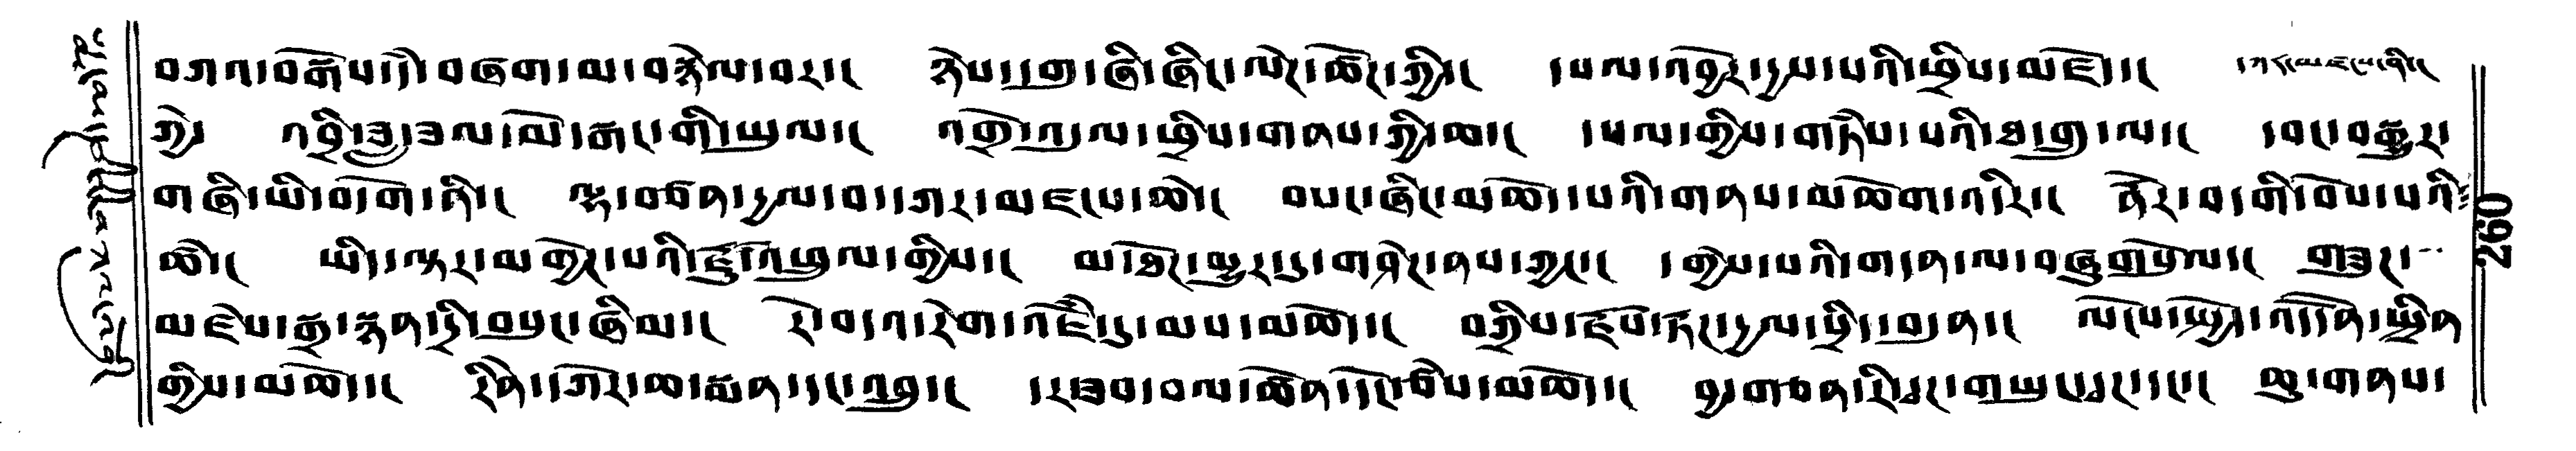།བཀའ་བསྒོས་དམ་བཞག་མ་བསྙེལ་བར། །ཉེས་དགུ་ཞི་ཞིང་ལེགས་ཚོགས་ཀྱི། །དཔལ་འབྱོར་རྒྱས་པའི་ཕྲིན་ལས་མཛོད། དཀར་མཛངས་ནི། 
ཀྱཻ། །འབྲི་ཟླ་ཟལ་མོ་སྒང་གི་ཡུལ། །འགྲོ་འདུལ་ཕྲིན་ལས་གནས་ཀྱི་ཆ། །དཔལ་གྱིས་གཏམས་པའི་ཐ་གྲུ་ལ། །དབང་བསྒྱུར་
གཞི་ཡི་བདག་པོ་ནི། །ལྷ་བཙན་རྒྱལ་བ་དཀར་མཛངས་ཆེ། །བསང་ཞིང་མཆོད་པའི་གནས་མཆོག་འདིར། །རྣལ་འབྱོར་བདག་གི་བོས་པའི་
ཚེ། །ཡིད་ལྟར་མགྱོགས་པའི་རྫུ་འཕྲུལ་གྱིས། །མ་ཐོགས་མྱུར་དུ་གཤེགས་ནས་ཀྱང་། །དགྱེས་པའི་གདན་ལ་བཞུགས་སུ་གསོལ། །གཟུགས་
མཛེས་སྒྲ་སྙན་དྲི་བསུང་ཞིམ། །རོ་བདའ་རེག་འཇམ་དུ་མས་མཆོད། །བཀྲ་ཤིས་རྫས་རྟགས་རྒྱལ་སྲིད་བདུན། །ལོངས་སྤྱོད་འདོད་ཡོན་སྤྲིན་
གྱིས་མཆོད། །རིན་ཆེན་དཀོར་ཆ་སྨན་དང་འབྲུ། །དར་ཟབ་བལ་ཚོན་དོང་ཙེས་མཆོད། །བྱ་གཅན་རི་དྭགས་གཡུང་དྭགས་དང་། །ཆུ་གནས་